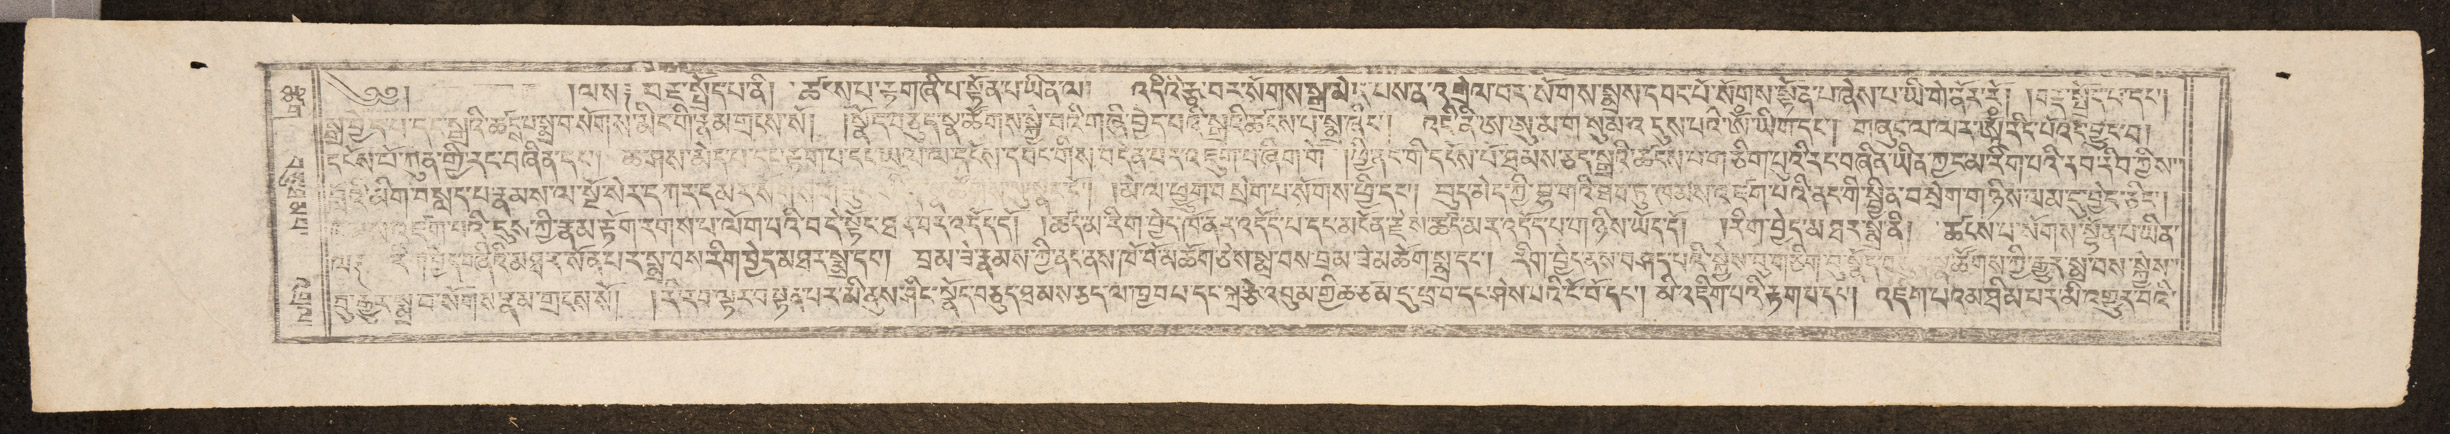༄༅། །ལས༑ བརྔ་སྤྲོད་པ་ནི། ཚངས་པ་རྟག་ཞི་པ་སྟོན་པ་ཡིན་ལ། འདིའི་རྩ་བར་སོགས་སྒྲ་མེད་པས་ན་འགྲེལ་བར་སོགས་སྨྲས་དབང་པོ་སོགས་སྟོན་པ་ཞེས་པ་ཡི་གེ་ནོར་རོ། །བརྡ་སྤྲོད་པ་དང་།
སྒྲ་བྱེད་པ་དང་སྒྲའི་ཚངས་པ་སྨྲ་བ་སོགས་མིང་གི་རྣམ་གྲངས་སོ། །སྣོད་བཅུད་སྣ་ཚོགས་སྐྱེ་བའི་གཞི་བྱེད་བའི་སྒྲའི་ཚངས་པ་སྨྲ་ཞིང་། འདི་ནི་ཨ་ཨུ་མ་གསུམ་འདུས་པའི་ཨོཾ་ཡིག་དང་། གཞུང་ལ་ལར་OM་རིང་པོའང་བྱུང་བ།
དངོས་པོ་ཀུན་གྱི་རང་བཞིན་དང་། ཆ་ཤས་མེད་པ་དང་རྟག་པ་དང་ཡུལ་ལ་དངོས་དབང་གིས་བདེན་པར་འཇུག་པ་ཞིག་གོ །ཕྱི་ནང་གི་དངོས་པོ་ཐམས་ཅད་སྒྲའི་ཚངས་པ་གཅིག་པུའི་རང་བཞིན་ཡིན་ཀྱང་མ་རིག་པའི་རབ་རིབ་ཀྱིས་
བློའི་མིག་བསླད་པ་རྣམས་ལ་སྔོ་སེར་དཀར་དམར་སོགས་གཟུང་འཛིན་སྣ་ཚོགས་སུ་སྣང་ངོ། །མེ་ལ་ཕྱུག་བསྲེག་པ་སོགས་ཕྱི་དང་། བུད་མེད་ཀྱི་བྷ་གའི་ཐབ་ཏུ་ཁམས་འཛག་པའི་ནང་གི་སྦྱིན་བསྲེག་གཉིས་ལམ་དུ་བྱེད་ཅིང་།
ཁམས་འཛག་པའི་དུས་ཀྱི་རྣམ་རྟོག་རགས་པ་ལོག་པའི་བདེ་སྟོང་ཐར་བར་འདོད་དོ། །ཚད་མ་རིག་བྱེད་ཁོ་ནར་འདོད་པ་དང་མངོན་རྗེས་ཚད་མར་འདོད་པ་གཉིས་ཡོད་དོ། །རིག་བྱེད་མཐར་སྨྲ་ནི། ཚངས་པ་སོགས་སྟོན་པ་ཡིན་
ལ༑ རིག་བྱེད་བཞིའི་མཐར་སོན་པར་སྨྲ་བས་རིག་བྱེད་མཐར་སྨྲ་དང་། བྲམ་ཟེ་རྣམས་ཀྱི་ནང་ནས་ཁོ་བོ་མཆོག་ཅེས་སྨྲ་བས་བྲམ་ཟེ་མཆོག་སྨྲ་དང་། རིག་བྱེད་ནས་བཤད་པའི་སྐྱེས་བུ་གཅིག་བུ་སྣོད་བཅུད་སྣ་ཚོགས་ཀྱི་རྒྱུར་སྨྲ་བས་སྐྱེས་
བུ་རྒྱུར་སྨྲ་བ་སོགས་རྣམ་གྲངས་སོ། །རི་རབ་ལྟར་བསྟན་པར་མི་ནུས་ཤིང་སྣོད་བཅུད་ཐམས་ཅད་ལ་ཁྱབ་པ་དང་སྐྲ་རྩེ་འབུམ་གྱི་ཆ་ཙམ་དུ་ཕྲ་བ་དང་ཤེས་པའི་ངོ་བོ་དང་། མི་འཇིག་པའི་རྟག་པ་དང་། འཇིག་པའམ་ཐིམ་པར་མི་འགྱུར་བའི་